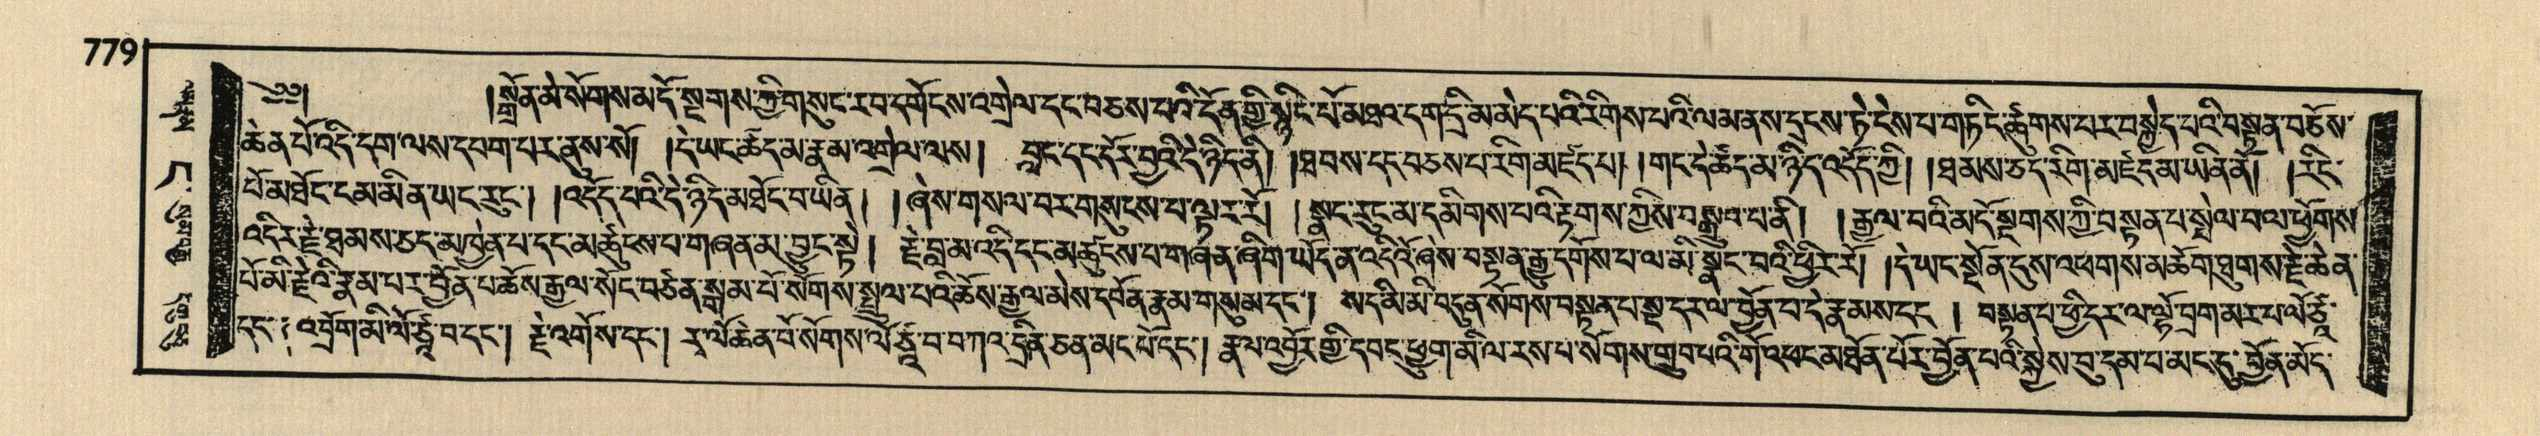༄༅། །སྒྲོན་མེ་སོགས་མདོ་སྔགས་ཀྱི་གསུང་རབ་དགོངས་འགྲེལ་དང་བཅས་པའི་དོན་གྱི་སྙིང་པོ་མཐའ་དག་དྲི་མ་མེད་པའི་རིགས་པའི་ལམ་ནས་དྲངས་ཏེ་ངེས་པ་གཏིང་ཚུགས་པར་བསྐྱེད་པའི་བསྟན་བཅོས་
ཆེན་པོ་འདི་དག་ལས་དཔག་པར་ནུས་སོ། །དེ་ཡང་ཚད་མ་རྣམ་འགྲེལ་ལས། བླང་དང་དོར་བྱའི་དེ་ཉིད་ནི། །ཐབས་དང་བཅས་པ་རིགས་མཛད་པ། །གང་དེ་ཚད་མ་ཉིད་འདོད་ཀྱི། །ཐམས་ཅད་རིག་མཛད་མ་ཡིན་ནོ། །རིང་
པོ་མཐོང་ངམ་མིན་ཡང་རུང་། །འདོད་པའི་དེ་ཉིད་མཐོང་བ་ཡིན། །ཞེས་གསལ་བར་གསུངས་པ་ལྟར་རོ། །སྣང་རུང་མ་དམིགས་པའི་རྟགས་ཀྱིས་བསྒྲུབ་པ་ནི། །རྒྱལ་བའི་མདོ་སྔགས་ཀྱི་བསྟན་པ་སྤེལ་བལ་ཕྱོགས་
འདིར་རྗེ་ཐམས་ཅད་མཁྱེན་པ་དང་མཚུངས་པ་གཞན་མ་བྱུང་སྟེ། རྗེ་བླ་མ་འདི་དང་མཚུངས་པ་གཞན་ཞིག་ཡོད་ན་འདིའོ་ཞེས་བསྟན་རྒྱུ་དགོས་པ་ལ་མི་སྣང་བའི་ཕྱིར་རོ། །དེ་ཡང་སྔོན་དུས་འཕགས་མཆོག་ཐུགས་རྗེ་ཆེན་
པོ་མི་རྗེའི་རྣམ་པར་བྱོན་པ་ཆོས་རྒྱལ་སོང་བཙན་སྒམ་པོ་སོགས་སྤྲུལ་པའི་ཆོས་རྒྱལ་མེས་དཔོན་རྣམ་གསུམ་དང་། སད་མི་མི་བདུན་སོགས་བསྟན་པ་སྔ་དར་ལ་བྱོན་པ་དེ་རྣམས་དང་། བསྟན་པ་ཕྱི་དར་ལ་ལྷོ་བྲག་མར་པ་ལོ་ཙཱ་
དང༑ འབྲོག་མི་ལོ་ཙཱ་བ་དང་། རྗེ་འགོས་དང་། རྭ་ལོ་ཆེན་པོ་སོགས་ལོ་ཙཱ་བ་བཀའ་དྲིན་ཅན་མང་པོ་དང་། རྣལ་འབྱོར་གྱི་དབང་ཕྱུག་མི་ལ་རས་པ་སོགས་གྲུབ་པའི་གོ་འཕང་མཐོན་པོར་བྱོན་པའི་སྐྱེས་བུ་དམ་པ་མང་དུ་བྱོན་མོད་